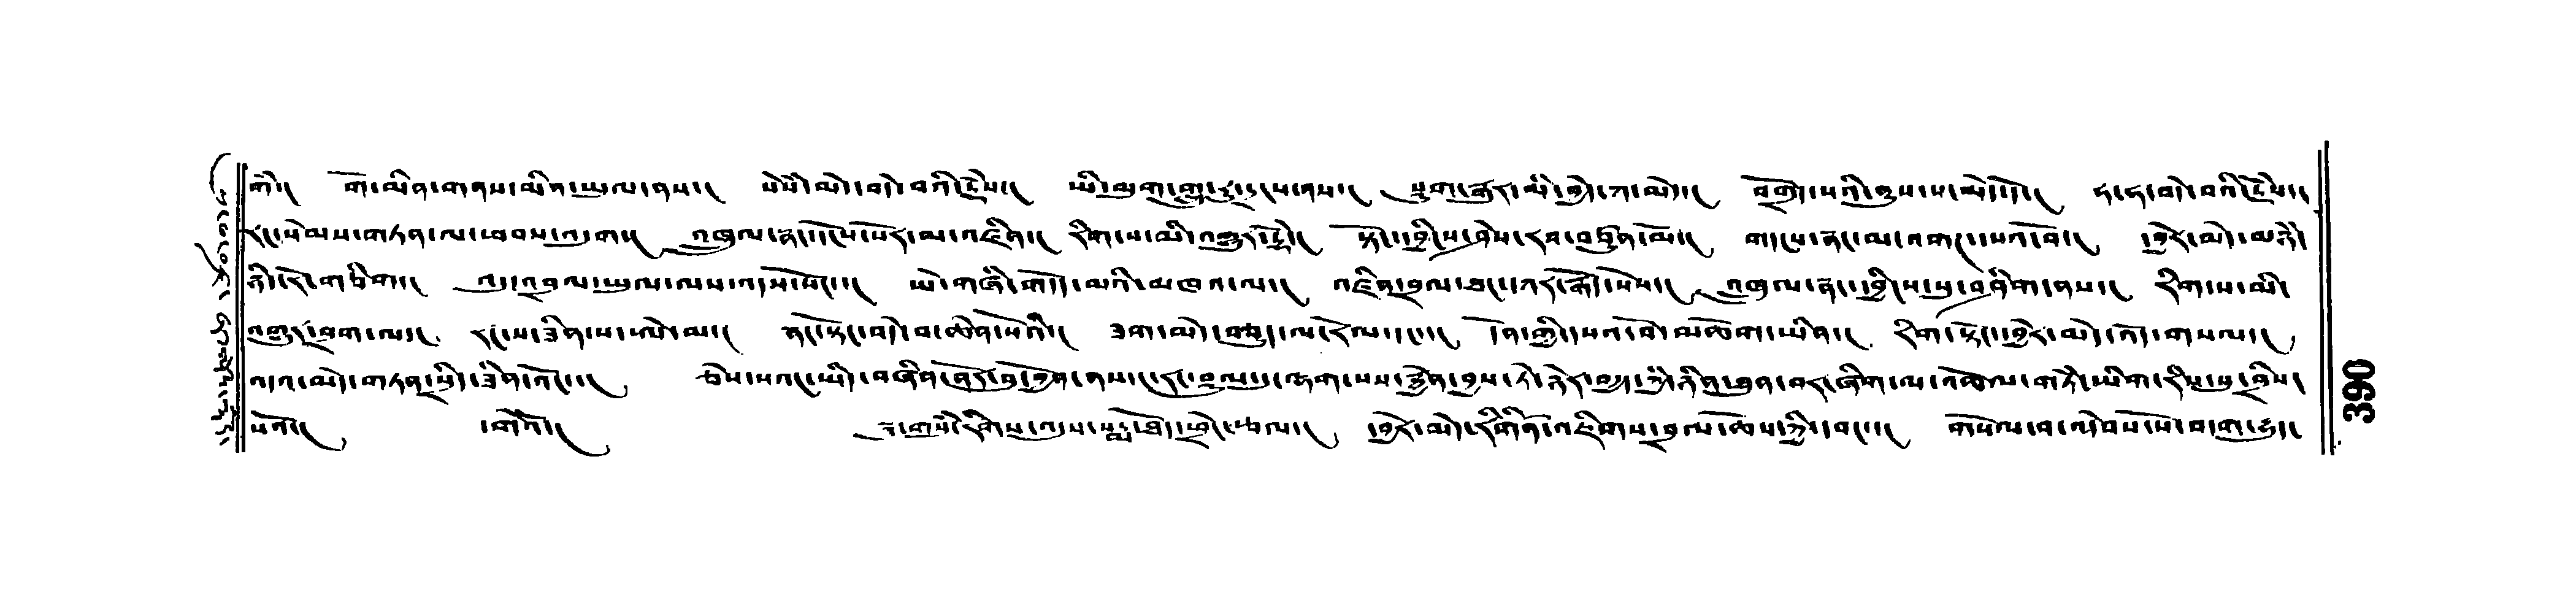གམ། །གོ་མིན་གནས་མིན་ཡུལ་ནས། །སེམས་མེད་བདེ་བའི་རྡོ་རྗེས། །ཡི་མུག་གླུ་རུ་དྲངས་ནས། །སྡུག་རྒུར་མི་བྱེད་ཀ་མེད། །བགྲོད་པའི་ནུས་པ་མེད་དོ། །ཧ་ཧ་བདེ་བའི་རྡོ་རྗེས། །
རང་སེམས་གཏན་ལ་ཕབས་འདུག །འཁྲུལ་སྣང་དངོས་པོར་མ་འཛིན། །རིག་པ་མི་འགྱུར་རྡོ་རྗེ། །སྟོང་དབྱིངས་ཤེས་རབ་བཙུན་མོ། །གདངས་སྣང་མ་འགགས་དཔའ་བོ། །དབྱེར་མེད་མཉམ་
ཉིད་རོ་གཅིག །འདུ་འབྲལ་ཡུལ་ལས་འདས་སོང་། །ཡེ་གཞི་གདོད་མའི་མཁའ་ལ། །འཛིན་བྲལ་ཐང་དཀར་རྒོད་པོས། །འཁྲུལ་སྣང་དབྱིངས་སུ་བཤིག་ནས། །རིག་པ་མི་
འགྱུར་བྲག་ལ། །རང་ས་ཟིན་པ་ཨེ་མ། །སྣང་སྟོང་བདེ་བ་ཆེན་པོའི། །ཟག་མེད་བཅུད་ལ་རོལ་དང་། །དོན་གྱི་དཔའ་བོ་མཆོག་ཡིན། །རིག་སྟོང་དབྱེར་མེད་འོད་གསལ། །
འདའ་མེད་གཏན་སྲིད་ཟིན་འོང་།ཅེས་པའང་ཡིད་བཞིན་ནོར་བུ་བྱོན་ནས་ང་རང་ཤུལ་དུ་ལྷག་པས་རྐྱེན་བྱས་ཏེ་ཉེར་བརྒྱད་ཀྱི་ཉིན་ཐུན་བར་ཞིག་ལ་འཆོལ་གཏམ་ཡིག་རིས་སུ་བྲིས་
པའོ།། དགེའོ།། སྐུ་གསུམ་རིགས་འདུས་པདྨ་ཐོད་ཕྲེང་རྩལ། །དབྱེར་མེད་རིག་འཛིན་འཇིགས་བྲལ་ཆོས་ཀྱི་དབང་། །གསོལ་བ་འདེབས་སོ་བདག་རྒྱུད་